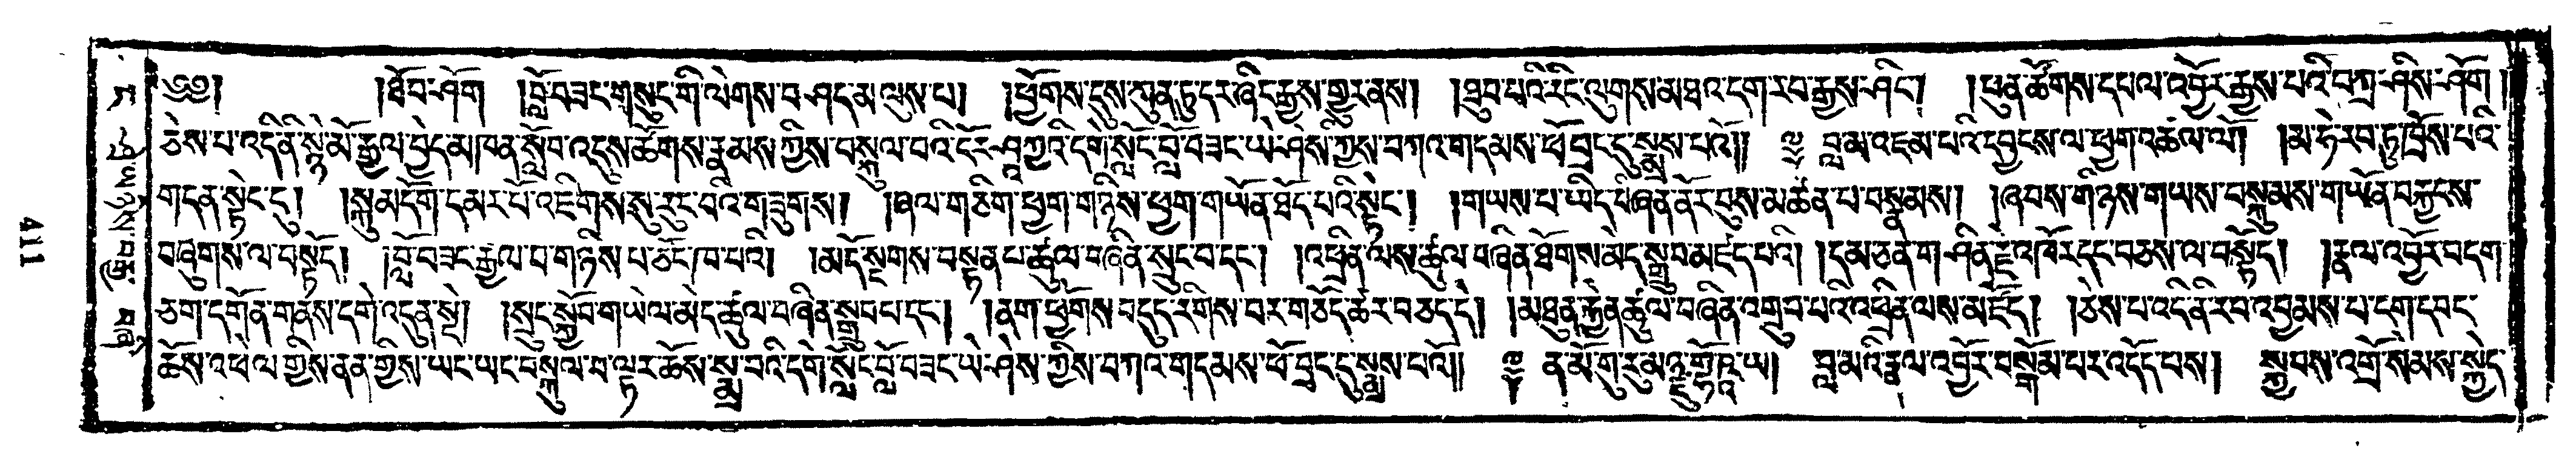༄༅། །ཐོབ་ཤོག །བློ་བཟང་གསུང་གི་ལེགས་བཤད་མ་ལུས་པ། །ཕྱོགས་དུས་ཀུན་ཏུ་དར་ཞིང་རྒྱས་གྱུར་ནས། །ཐུབ་པའི་རིང་ལུགས་མཐའ་དག་རབ་རྒྱས་ཤིང་། །ཕུན་ཚོགས་དཔལ་འབྱོར་རྒྱས་པའི་བཀྲ་ཤིས་ཤོག།
ཅེས་པ་འདི་ནི་སྙེ་མོ་རྒྱལ་བྱེད་མཁན་སློབ་འདུས་ཚོགས་རྣམས་ཀྱིས་བསྐུལ་བའི་ངོར་ཤཱཀྱའི་དགེ་སློང་བློ་བཟང་ཡེ་ཤེས་ཀྱིས་བཀའ་གདམས་ཕོ་བྲང་དུ་སྨྲས་པའོ།། ༈ བླ་མ་འཇམ་པའི་དབྱངས་ལ་ཕྱག་འཚལ་ལོ། །མ་ཧེ་རབ་ཏུ་ཁྲོས་པའི་
གདན་སྟེང་དུ། །སྐུ་མདོག་དམར་པོ་འཇིགས་སུ་རུང་བའི་གཟུགས། །ཞལ་གཅིག་ཕྱག་གཉིས་ཕྱག་གཡོན་ཐོད་པའི་སྟེང་། །གཡས་པ་ཡིད་བཞིན་ནོར་བུས་མཚན་པ་བསྣམས། །ཞབས་གཉིས་གཡས་བསྐུམས་གཡོན་བརྐྱངས་
བཞུགས་ལ་བསྟོད། །བློ་བཟང་རྒྱལ་བ་གཉིས་པ་ཙོང་ཁ་པའི། །མདོ་སྔགས་བསྟན་པ་ཚུལ་བཞིན་སྲུང་བ་དང་། །འཕྲིན་ལས་ཚུལ་བཞིན་ཐོགས་མེད་སྒྲུབ་མཛད་པའི། །དམ་ཅན་གཤིན་རྗེ་འཁོར་དང་བཅས་ལ་བསྟོད། །རྣལ་འབྱོར་བདག་
ཅག་དགོན་གནས་དགེ་འདུན་སྡེ། །སྲུང་སྐྱོ་བ་གཡེལ་མེད་ཚུལ་བཞིན་སྒྲུབ་པ་དང་། །ནག་ཕྱོགས་བདུད་རིགས་བར་གཅོད་ཚར་བཅད་དེ། །མཐུན་རྐྱེན་ཚུལ་བཞིན་འགྲུབ་པའི་འཕྲིན་ལས་མཛོད། །ཅེས་པ་འདི་ནི་རབ་འབྱམས་པ་ངག་དབང་
ཆོས་འཕེལ་གྱིས་ནན་གྱིས་ཡང་ཡང་བསྐུལ་བ་ལྟར་ཆོས་སྨྲ་བའི་དགེ་སློང་བློ་བཟང་ཡེ་ཤེས་ཀྱིས་བཀའ་གདམས་ཕོ་བྲང་དུ་སྨྲས་པའོ།། ༈ ན་མོ་གུ་རུ་མཉྫུ་གྷོ་ཥཱ་ཡ། བླ་མའི་རྣལ་འབྱོར་བསྒོམ་པར་འདོད་པས། སྐྱབས་འགྲོ་སེམས་སྐྱེད་